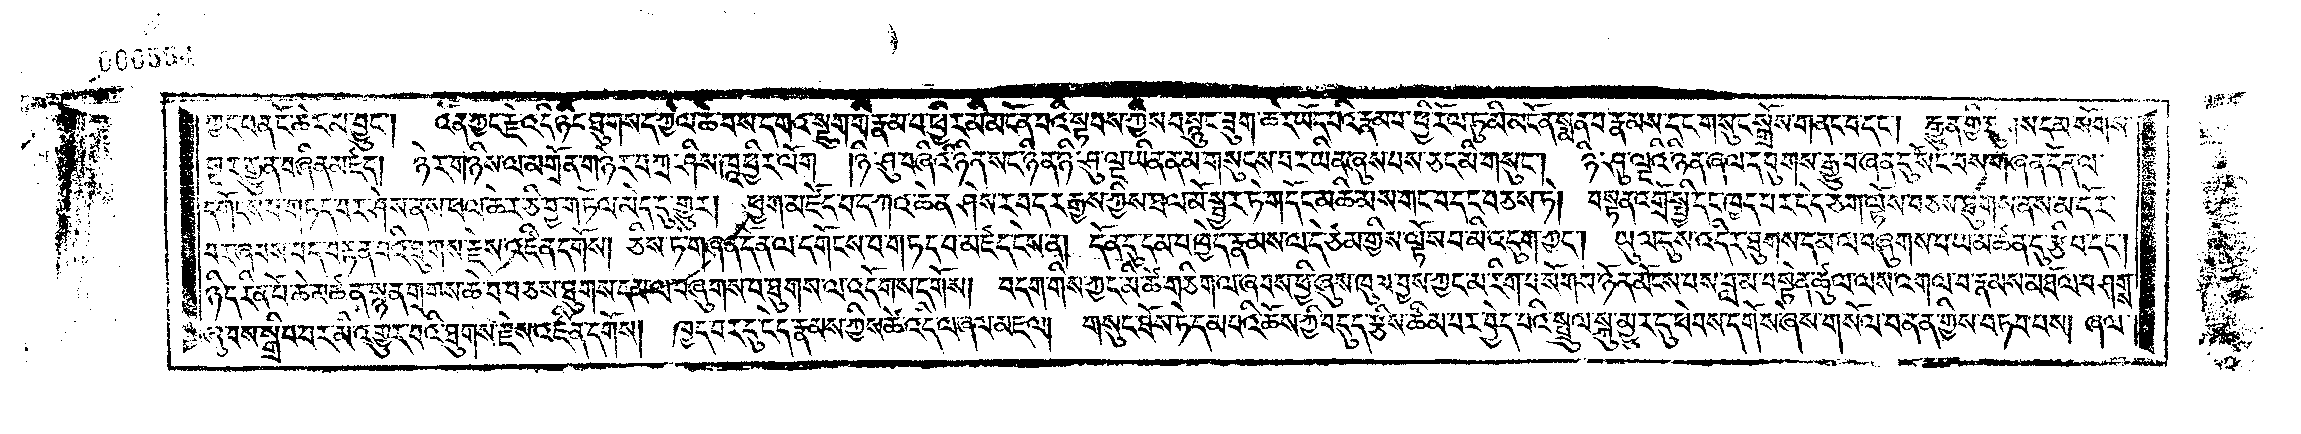ཀྱང་ཕན་ངོ་ཆེར་མ་བྱུང་། འོན་ཀྱང་རྗེ་འདི་ཉིད་ཐུགས་དཀྱེལ་ཆེབས་དགའ་སྡུག་གི་རྣམ་པ་ཕྱིར་མི་མངོན་པའི་སྟབས་ཀྱིས་བསྙུང་ཟུག་ཆེར་ཡོད་པའི་རྣམ་པ་ཕྱི་རོལ་ཏུ་མི་མངོན་སྨན་པ་རྣམས་དང་གསུང་སྒྲོས་གནང་བ་དང་། རྒྱུན་གྱི་ཐུགས་དམ་སོགས་
སྔར་རྒྱུན་བཞིན་མཛད། ཉེར་གཉིས་ལ་མགྲོན་གཉེར་བཀྲ་ཤིས་ཁཱ་ཕྱིར་ལོག །ཉི་ཤུ་བཞིའི་ཉིན་སང་ཉིན་ཉི་ཤུ་ལྔ་ཡིན་ནམ་གསུངས་པར་ཡིན་ཞུས་པས་ཅང་མི་གསུང་། ཉི་ཤུ་ལྔའི་ཉིན་ཞལ་དཔུགས་རྒྱུ་བ་ཞན་དུ་སོང་བས་གཞན་དོན་ལ་
དགོངས་པ་གཏད་པར་ཤེས་ནས་ཕལ་ཆེར་ཅི་བྱ་གཏོལ་མེད་དུ་གྱུར། ཕྱག་མཛོད་བ་དཀའ་ཆེན་ཤེས་རབ་དར་རྒྱས་ཀྱིས་ཐལ་མོ་སྤྱར་ཏེ་གདོང་མཆི་མས་གང་བ་དང་བཅས་ཏེ། བསྟན་འགྲོ་སྤྱི་དང་ཁྱད་པར་ངེད་ཅག་ལྟོས་བཅས་ཐུགས་ནས་མ་དོར་
བར་ཞབས་བད་བརྟན་པའི་ཐུགས་རྗེས་འཛིན་དགོས། ཅིས་ཏེ་གཞན་དོན་ལ་དགོངས་བ་གཏང་བ་མཛད་ངེས་ན། དོན་དུ་དམ་པ་ཁྱེད་རྣམས་ལ་དེ་ཙམ་གྱིས་ལྟོས་པ་མི་འདུག་ཀྱང་། ཡུལ་དུས་འདིར་ཐུགས་དམ་ལ་བཞུགས་པ་ཡ་མཚན་དུ་རྩིབ་དང་།
ཉིད་རིན་པོ་ཆེ་མཚན་སྙན་གྲགས་ཆེ་བ་བཅས་ཐུགས་དམ་ལ་བཞུགས་པ་ཐུགས་ལ་འདོགས་དགོས། བདག་གིས་ཀྱང་མི་ཚེ་གཅིག་ལ་ཞབས་ཕྱི་ཞུས་ཁུལ་བྱས་ཀྱང་མ་རིག་པ་སོགས་ཉོན་མོངས་པས་བླ་མ་བསྟེན་ཚུལ་ལས་འགལ་བ་རྣམས་མཐོལ་བཤགས་
ཞུ་བས་སྒྲིབ་པར་མི་འགྱུར་བའི་ཐུགས་རྗེས་འཛིན་དགོས། ཁྱད་པར་དུ་ངེད་རྣམས་ཀྱིས་ཚེ་འདི་ལ་ཞལ་མཇལ། གསུང་ཐོས་ཏེ་དམ་ཧྶྤའི་ཆོས་ཀྱི་བདུད་རྩིས་ཚིམ་པར་བྱེད་པའི་སྤྲུལ་སྐུ་མྱུར་དུ་ཕེབས་དགོས་ཞེས་གསོལ་བ་ནན་གྱིས་བཏབ་བས། ཞལ་